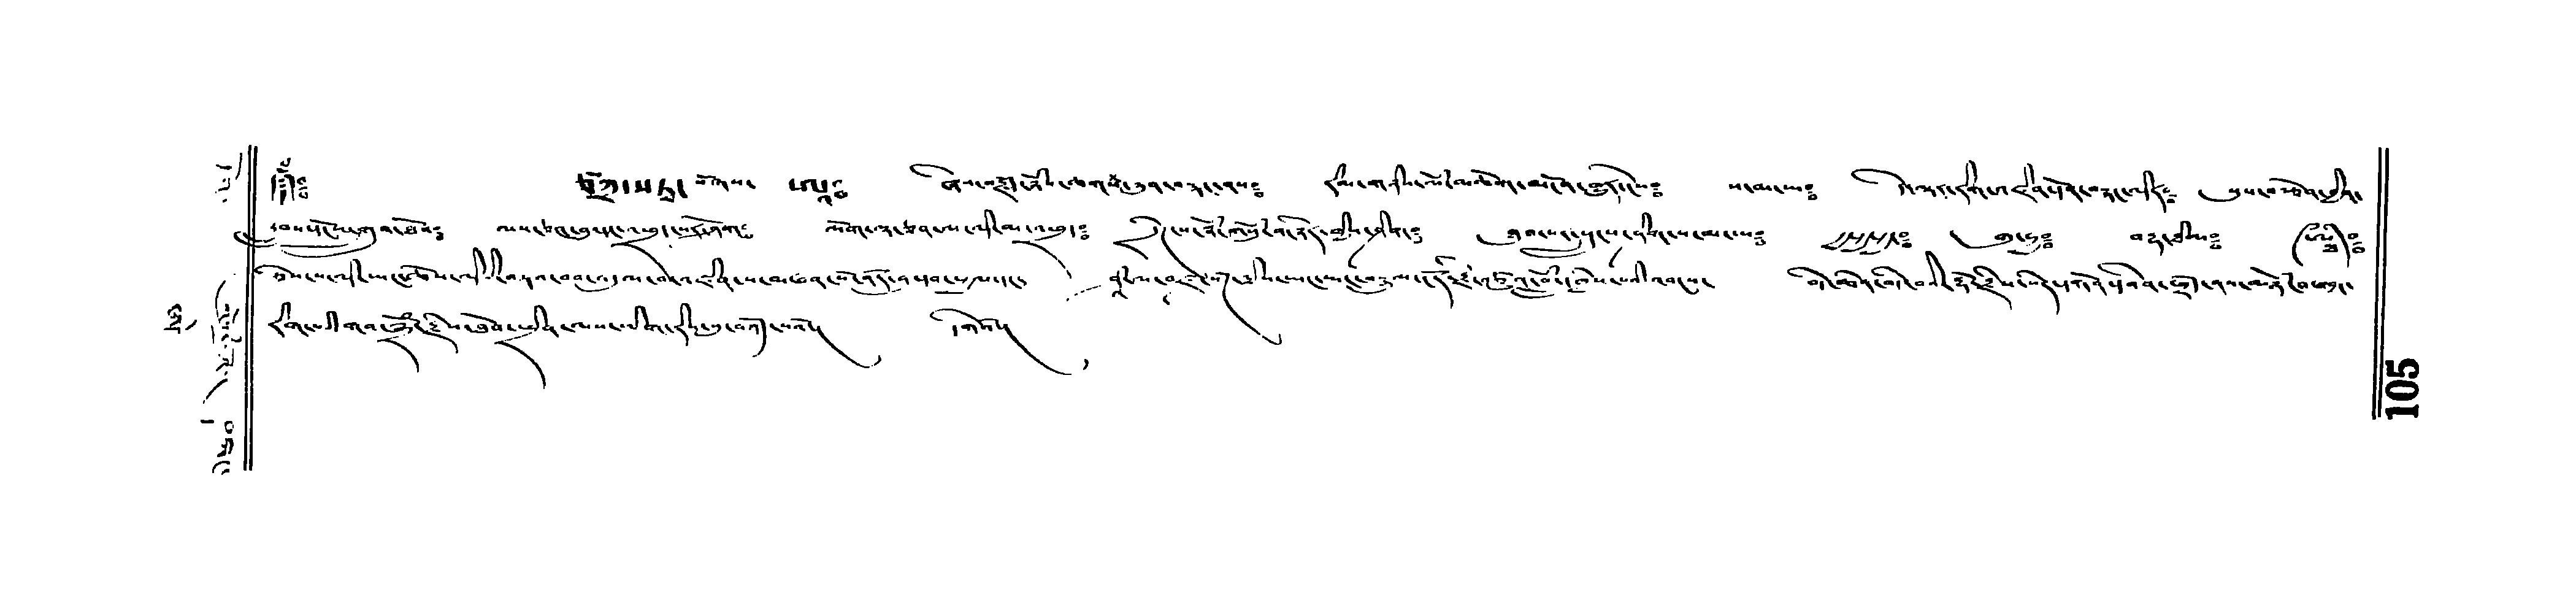ཙཀྲ་ས་ཏྭ༴ སོགས། ཨཱཿ ཞེས་བརྗོད་ཉམས་ཆག་ཀུན་བསྐང་ནས༔ རིམ་གཉིས་ལམ་མཆོག་མངོན་གྱུར་ངེས༔ ས་མ་ཡ༔ དེ་ལྟར་རིག་འཛིན་དོན་བསྐང་འདིར༔ སུས་བརྩོན་བྱིན་
རླབས་དངོས་གྲུབ་ཐོབ༔ ལས་ཅན་བུ་དང་འཕྲད་པར་ཤོག༔ ལོག་ལྟ་ཅན་ལ་འདི་མ་འཕྲད༔ དྲེགས་པ་རྣམ་གསུམ་གཉེར་གྱིས་ཤིག༔ ཐུབ་པར་སྲུངས་ཤིག་ས་མ་ཡ༔ རྒྱ་རྒྱ་རྒྱ༔ གུ་ཧྱ༔ བརྡ་ཐིམ༔ ༔ ་་་་་་
ཞེས་པ་འདི་ཡང་ཆོས་འདིའི་བཀའ་བབ་འདུལ་བ་འཛིན་པ་མཁན་པོ་ནོར་བུ་དབང་རྒྱལ་དང་། ཤཱི་ལ་བཛྲ་སོགས་ཀྱིས་ཡང་ཡང་བསྐུལ་ངོར་རྗེ་བཙུན་བླ་མ་དགྱེས་པའི་འབངས། བདེ་ཆེན་བདེ་བའི་རྡོ་རྗེས་སེར་དགོན་དབེན་ཁྲོད་ནས་མཉམ་གཞག་
རིག་པའི་གབ་སྒྲོམ་རྗེས་ཐོབ་ཕྲིན་ལས་ཡིག་རིས་སུ་བཀོད་པའོ།། དགེའོ།།